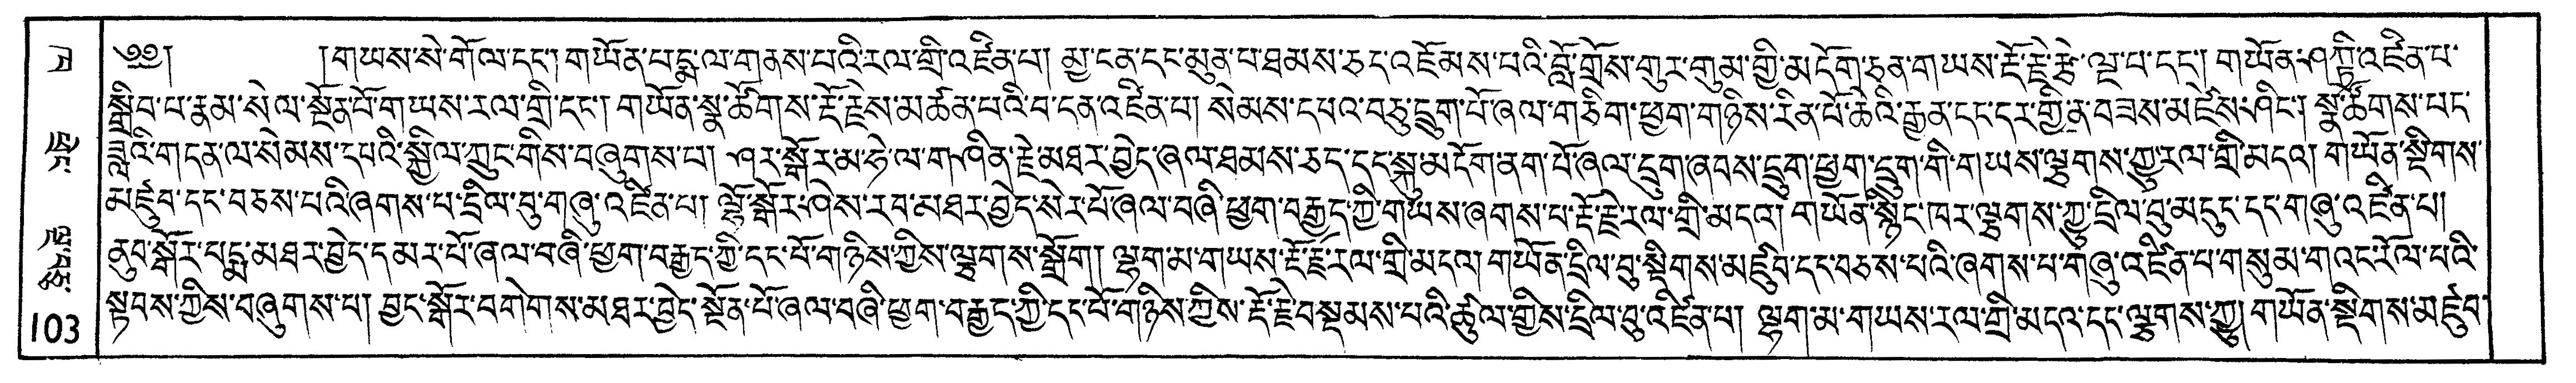༄༅། །གཡས་སེ་གོལ་དང་། གཡོན་པདམ་ལ་གནས་པའི་རལ་གྲི་འཛིན་པ། མྱ་ངན་དང་མུན་པ་ཐམས་ཅད་འཇོམས་པའི་བློ་གྲོས་གུར་གུམ་གྱི་མདོག་ཅན་གཡས་རྡོ་རྗེ་རྩེ་ལྔ་པ་དང་། གཡོན་ཤཀྟི་འཛིན་པ་
སྒྲིབ་པ་རྣམ་སེལ་སྔོན་པོ་གཡས་རལ་གྲི་དང་། གཡོན་སྣ་ཚོགས་རྡོ་རྗེས་མཚན་པའི་བ་དན་འཛིན་པ། སེམས་དཔའ་བཅུ་དྲུག་པོ་ཞལ་གཅིག་ཕྱག་གཉིས་རིན་པོ་ཆེའི་རྒྱན་དང་དར་གྱི་ན་བཟས་མཛེས་ཤིང་། སྣ་ཚོགས་པད་
ཟླའི་གདན་ལ་སེམས་དཔའི་སྐྱིལ་ཀྲུང་གིས་བཞུགས་པ། ཤར་སྒོར་མ་ཧེ་ལ་གཤིན་རྗེ་མཐར་བྱེད་ཞལ་ཐམས་ཅད་དང་སྐུ་མདོག་ནག་པོ་ཞལ་དྲུག་ཞབས་དྲུག་ཕྱག་དྲུག་གི་གཡས་ལྕགས་ཀྱུ་རལ་གྲི་མདའ། གཡོན་སྡིགས་
མཛུབ་དང་བཅས་པའི་ཞགས་པ་དྲིལ་བུ་གཞུ་འཛིན་པ། ལྷོ་སྒོར་ཤེས་རབ་མཐར་བྱེད་སེར་པོ་ཞལ་བཞི་ཕྱག་བརྒྱད་ཀྱི་གཡས་ཞགས་པ་རྡོ་རྗེ་རལ་གྲི་མདའ། གཡོན་སྙིང་ཁར་ལྕགས་ཀྱུ་དྲིལ་བུ་མདུང་དང་གཞུ་འཛིན་པ།
ནུབ་སྒོར་པདམ་མཐར་བྱེད་དམར་པོ་ཞལ་བཞི་ཕྱག་བརྒྱད་ཀྱི་དང་པོ་གཉིས་ཀྱིས་ལྕགས་སྒྲོག །ལྷག་མ་གཡས་རྡོ་རྗེ་རལ་གྲི་མདའ། གཡོན་དྲིལ་བུ་སྡིགས་མཛུབ་དང་བཅས་པའི་ཞགས་པ་གཞུ་འཛིན་པ་གསུམ་གའང་རོལ་པའི་
སྟབས་ཀྱིས་བཞུགས་པ། བྱང་སྒོར་བགེགས་མཐར་བྱེད་སྔོན་པོ་ཞལ་བཞི་ཕྱག་བརྒྱད་ཀྱི་དང་པོ་གཉིས་ཀྱིས་རྡོ་རྗེ་བསྡམས་པའི་ཚུལ་གྱིས་དྲིལ་བུ་འཛིན་པ། ལྷག་མ་གཡས་རལ་གྲི་མདའ་དང་ལྕགས་ཀྱུ། གཡོན་སྡིགས་མཛུབ་